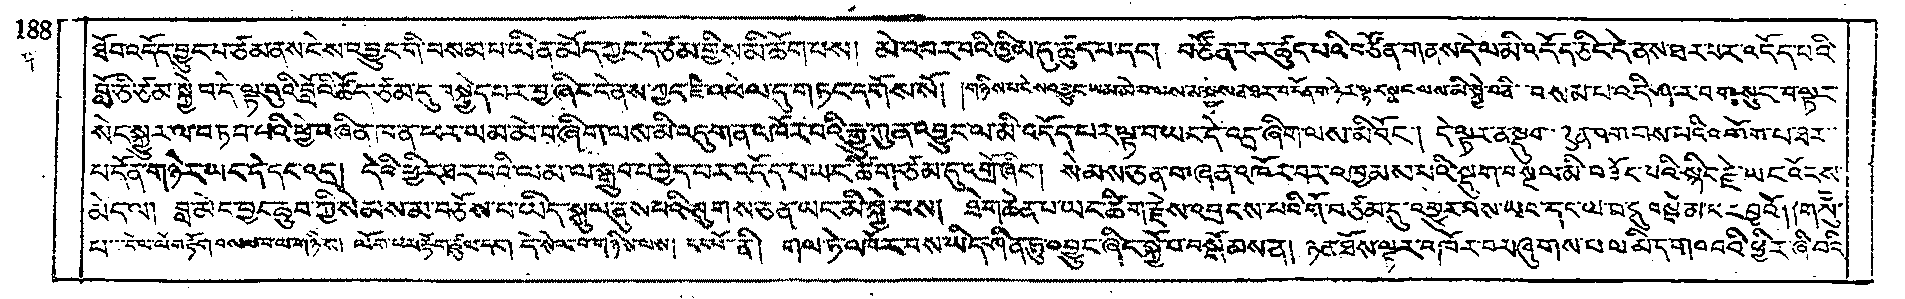ཐོབ་འདོད་བྱུང་བ་ཙམ་ནས་ངེས་འབྱུང་གི་བསམ་པ་ཡིན་མོད་ཀྱང་དེ་ཙམ་གྱིས་མི་ཆོག་པས། མེ་འབར་བའི་ཁྱིམ་དུ་ཚུད་པ་དང་། བཙོན་རར་ཚུང་པའི་བཙོན་གནས་དེ་ལ་མི་འདོད་ཅིང་དེ་ནས་ཐར་པར་འདོད་པའི་
བློ་ཅི་ཙམ་སྐྱེ་བ་དེ་ལྟ་བུའི་བློའི་ཚོད་ཙམ་དུ་བསྐྱེད་པར་བྱ་ཞིང་དེ་ནས་ཀྱང་ཇི་འཕེལ་དུ་གཏང་དགོས་སོ། །གཉིས་པ་ངེས་འབྱུང་ཡམ་མེ་བ་ལས་མ་སྐྱེས་ན་ཐར་བ་དོན་གཉེར་ལྟར་སྣང་ལས་མི་སྐྱེ་བ་ནིབསམ་པ་འདི་ཤ་ར་བ་གསུང་པ་ལྟར་
སེང་སྐྱུར་ལ་བཏབ་པའི་ཕྱེ་བཞིན་ཁ་ན་ཕར་ལམ་མེ་བ་ཞིག་ལས་མི་འདུག་ན་འཁོར་བའི་རྒྱུ་ཀུན་འབྱུང་ལ་མི་འདོད་པར་ལྟ་བ་ཡང་དེ་འདྲ་ཞིག་ལས་མིའོང་། དེ་ལྟར་ན་སྡུག་ཟན་?་འགབས་པའི་འགོག་པ་ཐར་
པ་དོན་གཉེར་ཡང་དེ་དང་འདྲ། དེའི་ཕྱིར་ཐར་པའི་ལམ་ལ་སྒྲུབ་པ་བྱེད་པར་འདོད་པ་ཡང་ཚིག་ཙམ་དུ་འགྲོ་ཞིང་། སེམས་ཅན་གཞན་འཁོར་བར་འཁྱམས་པའི་སྡུག་བསྔལ་མི་བཟོང་པའི་སྙིང་རྗེ་ཡང་འོངས་
མེད་ལ། བླ་མེད་བྱང་ཆུབ་ཀྱི་སེམས་མ་བཅོས་པ་ཡིད་སྐུལ་ནུས་བའི་ཤུགས་ཅན་ཡང་མི་སྐྱེ་བས། ཐེག་ཆེན་པ་ཡང་ཚིག་རྗེས་འབྲངས་པའི་གོ་བཙམ་དུ་འགྱུར་བས་ཡང་དང་ཡ་བདུ་བསྒོམས་པར་བྱའོ། །གསུཾ་
པ་དེ་ལ་ལོག་རྟོག་བསལ་བ་ལ་གཉིས། ལོག་པར་རྟོག་ཚུལ་དང་། དེ་སེལ་བ་གཉིས་ལས། དང་པོནི། གལ་ཏེ་འཁོར་བས་ཡིད་ཤིན་ཏུ་འབྱུང་ཞིང་སྐྱོ་བ་བསྒོམས་ན། ཉན་ཐོས་ལྟར་འཁོར་བར་ཞུགས་པ་ལ་མི་དགའ་བའི་ཕྱིར་ཞི་བའི་